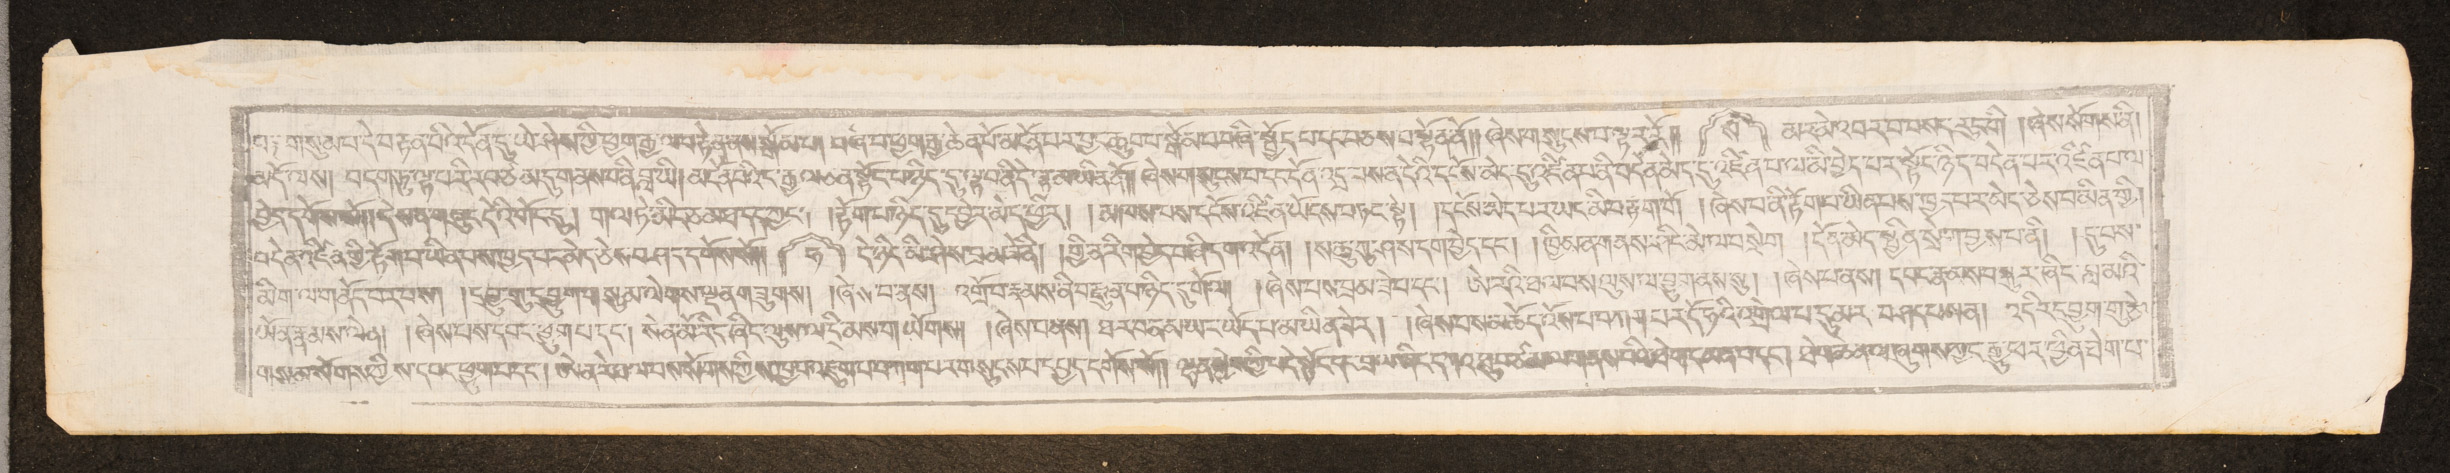པ༑ གསུམ་པ་དེ་བརྟན་པའི་དོན་དུ་ཡེ་ཤེས་ཀྱི་ཕྱག་རྒྱ་ལ་བརྟེན་ནས་སྒོམ་པ། བཞི་པ་ཕྱག་རྒྱ་ཆེན་པོ་མངོན་པར་བྱང་ཆུབ་པ་སྒོམ་པ་བཞི་སྤྱོད་པ་དང་བཅས་པ་སྟོན་ནོ།། ཞེས་གསུངས་པ་ལྟར་རོ།། ༼༽ས༼༽ མར་མེ་འབར་བ་བསད་རུང་གི །ཞེས་སོགས་ནི།
མདོ་ལས། བདག་ཏུ་ལྟ་བ་རི་རབ་ཙམ་དུ་གནས་པ་ནི་བླ་ཡི། མངོན་བའི་ང་རྒྱལ་ཅན་སྟོང་པ་ཉིད་དུ་ལྟ་བ་ནི་དེ་ལྟ་མ་ཡིན་ནོ།། ཞེས་གསུངས་པ་དང་དོན་འདྲ་བས་ན་དེའི་དངོས་མེད་དུ་འཛིན་པ་ནི་བདེན་མེད་དུ་འཛིན་པ་ལ་མི་བྱེད་པར་སྟོང་ཉིད་བདེན་པར་འཛིན་པ་ལ་
བྱེད་དགོས་སོ།། དེས་ན་གཞུང་དེའི་གོང་དུ། གལ་ཏེ་མིང་ཙ་ཐ་དད་ཀྱགན། །རྟོག་པ་ཉིད་དུ་དབྱེར་མེད་ཕྱིར། །མཁས་པས་དངས་འདིཟན་ཡོངས་བཏང་སྟེ། །དངོས་མེད་པར་ཡང་མི་བརྟག་གོ། །ཞེས་པ་ནི་རྟོག་པ་ཡིན་པས་ཁྱད་པར་མེད་ཅེས་པ་མིན་གྱི།
བདེན་འཛིན་གྱི་རྟོག་པ་ཡིན་པས་ཁྱད་པར་མེད་ཅེས་བཤད་དགོས་སོ།། ༼༽ཧ༼༽ དེ་ཉིད་མི་ཤེས་བྲམ་ཟེ་ནི། །གྱི་ན་རིག་བྱེད་བཞི་དག་འདོན། །ས་ཆུ་ཀུ་ཤས་དག་བྱེད་དང་། །ཁྱིམ་ན་གནས་ཤིང་མེ་ལ་བསྲེག །དོན་མེད་སྦྱིན་སྲེག་བྱས་པ་ནི། །དུ་བས་
མིག་ལ་གནོད་པར་བས། །དབྱུ་གུ་དབྱུག་གསུམ་ལེགས་ལྡན་གཟུགས། །ཞེས་པ་ནས། འགྲོ་བ་རྣམས་ནི་བརྫུན་པ་ཉིད་དུ་གོལ། །ཞེས་པས་བྲམ་ཟེ་བ་དང་། ཨེ་རའི་ཐལ་བས་ལུས་ལ་བྱུག་ནས་སུ། །ཞེས་པ་ནས། དབང་རྣམས་བསྐུར་ཞིང་བླ་མའི་
ཡོན་རྣམས་ལེན། །ཞེས་པས་དབང་ཕྱུག་པ་དང་། སེན་མོ་རིང་ཞིང་ལུས་ལ་དྲི་མས་གཡོངས། །ཞེས་པ་ནས། ཐར་པ་རྣམ་ཡང་ཡོད་པ་མ་ཡིན་ཟེར། །ཞེས་པས་མཆོད་འོས་བ་བཀག་པར་དོ་ཧའི་འགྲེལ་པ་དུ་མར་བཤད་པས་ན། འདིར་དུ་བྱུག་གུ་རྩེ་
གསུམ་སོགས་ཀྱིས་དབང་ཕྱུག་པ་དང་། ཨེ་ན་རེ་ཐལ་བས་སོགས་ཀྱིས་ཁྱབ་འཇུག་པ་བཀག་པར་གསུངས་པར་བྱད་དགོས་སོ།། ལྷན་སྐྱེས་ཀྱི་བདེ་སྟོང་དང་བྲལ་ཞིང་དཀའ་ཐུབ་ཙམ་ལ་གནས་པའི་ཐེག་དམན་པ་དང་། ཐེག་ཆེན་ལ་ཞུགས་ཀྱང་རྒྱུ་ཕར་ཕྱིན་ཐེག་པ་